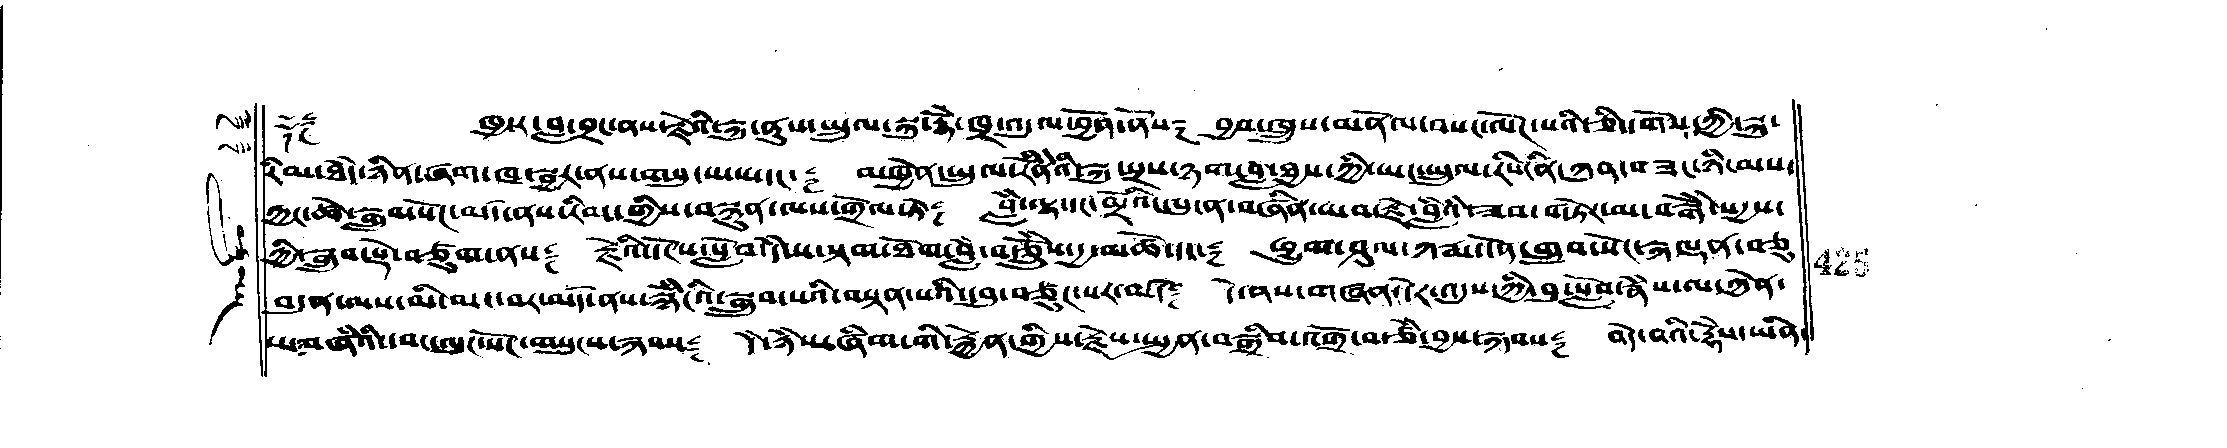ཁྱད་པར་བླ་བྲང་ནས་རྗེའི་སྐུ་ནུས་སྤྲུལ་སྐུ་རྡོ་རྗེ་དགྲ་འདུལ་བྱོན་ནས། བྱབ་ཁྲུས་མནོལ་བསང་ལ་སོགས་པའི་ཅི་དགོས་ཀྱི་སྐུ་
རིམ་ཐམས་ཅད་ཉིན་ཞག་ཁ་སྦྱར་ནས་གསུངས་པ་དང་། མཁྱེན་སྤྲུལ་རིན་པོ་ཆེའི་སྐུ་སྲས་ཉག་བླ་ཐུགས་ཀྱི་ཡང་སྤྲུལ་རིག་འཛིན་ཀུན་བཟང་ཉི་མས་
ཀྱང་ཚེ་སྒྲུབ་སོགས་མཛད་ནས་རིམ་གྱིས་བསྙུན་ལས་གྲོལ་ཏེ། བླ་མ་ལྷ་དང་མཁའ་འགྲོའི་ལུང་བསྟན་བཞིན་ཡབ་རྗེ་བླ་མའི་ཟབ་གཏེར་མ་བསྒོམ་སངས་རྒྱས་
ཀྱི་སྒྲུབ་སྡེ་བཙུག་ནས། རྗེའི་དངོས་སློབ་དམ་པ་སྟག་ཐོག་བླ་མ་བརྩོན་འགྲུས་རྒྱ་མཚོ་དང་། ཕྱུག་ཤུལ་ཀརྨ་དོན་གྲུབ་སོགས་སྐལ་ལྡན་བཅུ་
བདུན་ལས་མི་མང་བར་མཛད་ནས་སྙིང་པོའི་སྒྲུབ་པའི་བསྟན་པའི་དབུ་བཙུགས་པར་མཛད། དེ་ནས་གཞན་དེར་འདུས་ཀྱི་བུ་སློབ་རྣམས་ལ་ཀུན་མཁྱེན་
ཡ་བཞིའི་དབང་ལུང་སོགས་གསུངས་སྐབས། དམ་ཉམས་ཞིག་གི་རྐྱེན་གྱིས་རྗེའི་སྤྱན་བསྒྲིབ་འགྲོ་བ་ཙམ་བྱས་སྐབས། བདེ་བའི་རྡོ་རྗེས་ཡིན་